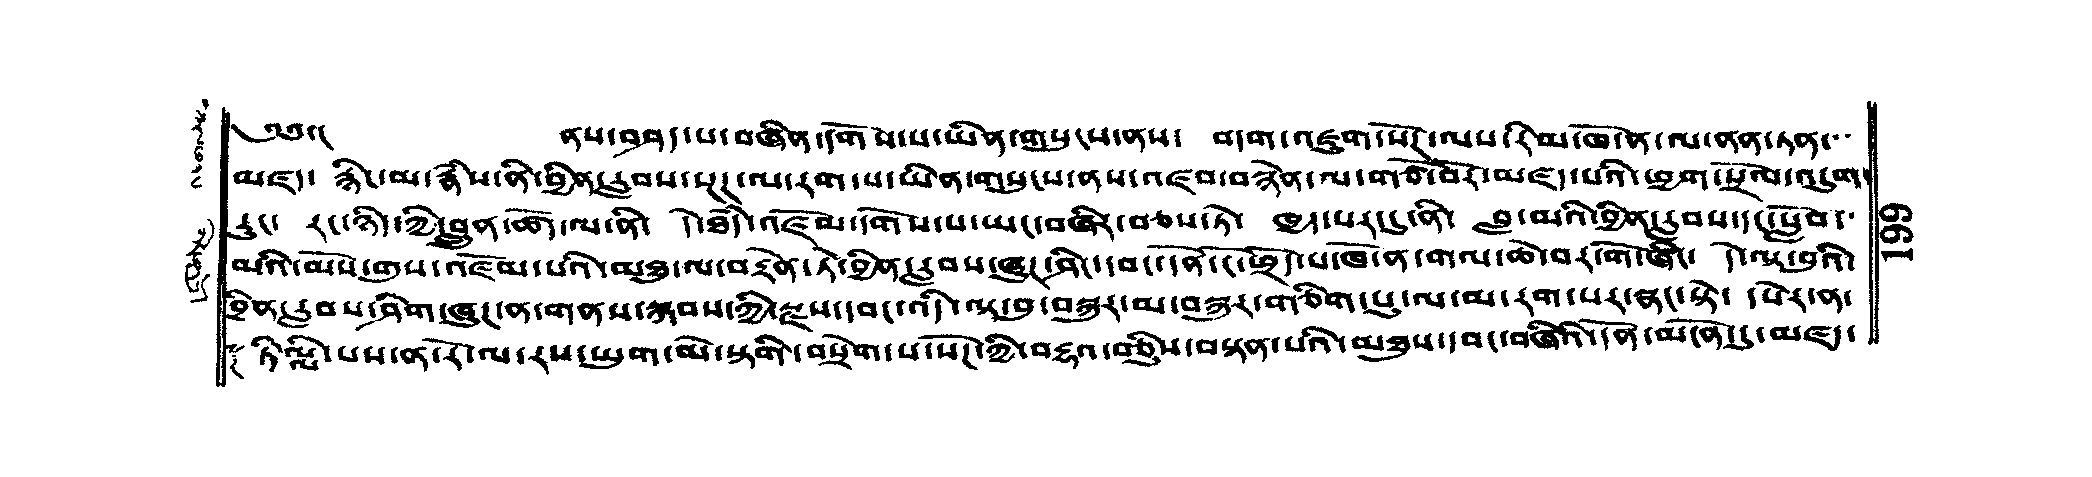ནས་བཤད་པ་བཞིན་དགོས་པ་ཡིན་གསུངས་ནས། བདག་འཇུག་སོགས་ལས་རིམ་ཁོ་ན་ལ་ནན་ཏན་
མཛད། རྙིང་མ་རྣམས་ནི་བྱིན་རླབས་སྔགས་ལ་རག་ལས་པ་ཡིན་གསུངས་ནས་འཛབ་བསྙེན་ལ་གཙོ་བོར་མཛད་པའི་ཕྱག་སྲོལ་འདུག་
རུང་། རང་ཉིད་ཀྱི་བླུན་ཚོད་ལ་ནི། དེ་ཐམས་ཅད་འཛོམ་དགོས་པ་ཡང་གཞིར་བཅས་ཏེ། ཁྱད་པར་དུ་ནི། བླ་མའི་བྱིན་རླབས་དང་སློབ་
མའི་མོས་གུས་འཛོམ་པའི་མཐུ་ལ་བརྟེན་ཏེ་བྱིན་རླབས་ཞུགས་ཤིང་དབང་དོན་ངོ་ཕྲོད་པ་ཁོ་ན་གལ་ཆེ་བར་གོ་ཞིང་། དེ་ལྟ་བུའི་
བྱིན་རླབས་ཤིག་ཞུགས་ན་གནས་སྐབས་ཀྱི་རྫས་དབང་འདི་ལྟ་བུ་བསྐུར་མ་བསྐུར་གཅིག་པུ་ལ་མ་རག་པར་སྣང་སྟེ། དཔེར་ན། 
ཏིལླི་པས་ན་རོ་ལ་རས་ཡུག་མེ་སྟག་གི་བསྲེག་པ་སོགས་ཀྱི་བརྡ་བཅུ་གཉིས་བསྟན་པའི་མཐུས་དབང་བཞིའི་དོན་མངོན་དུ་མཛད་